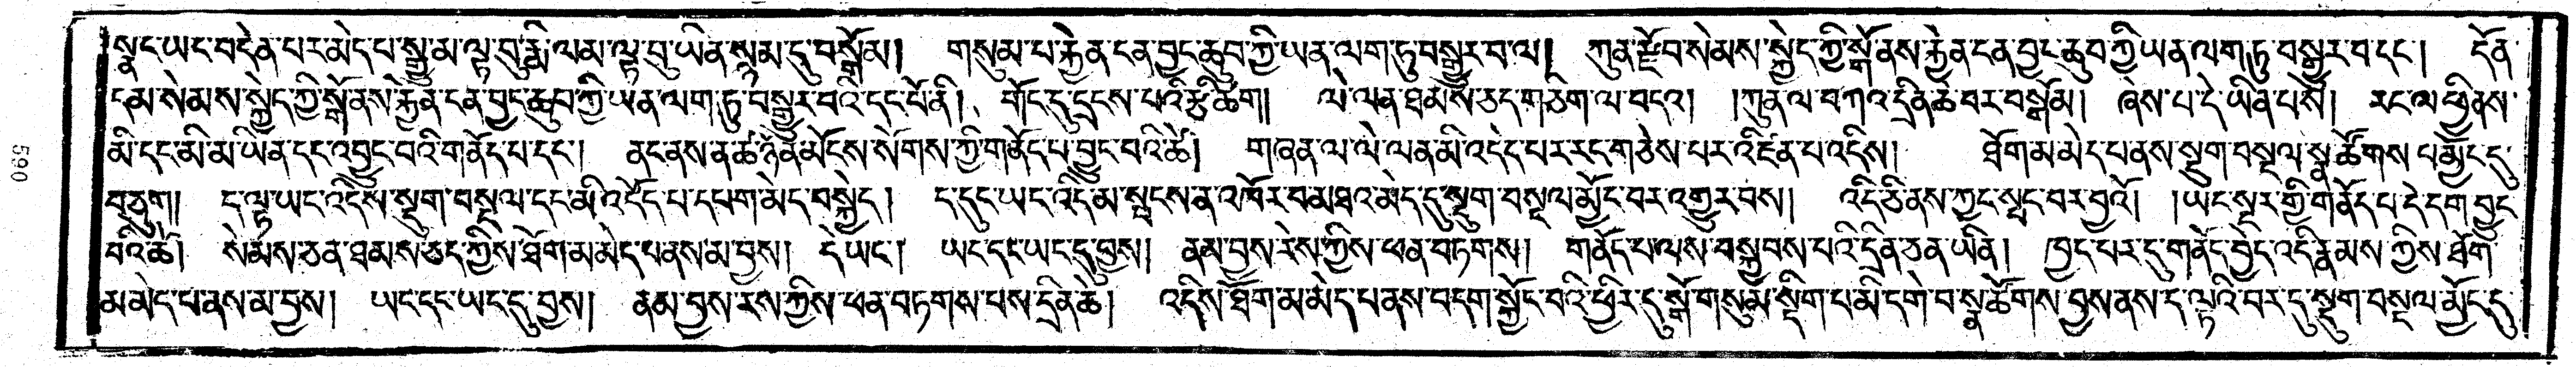སྣང་ཡང་བདེན་པར་མེད་པ་སྒྱུ་མ་ལྟ་བུ་རྨི་ལམ་ལྟ་བུ་ཡིན་སྙམ་དུ་བསྒོམ། གསུམ་པ་རྐྱེན་ངན་བྱང་ཆུབ་ཀྱི་ཡན་ལག་ཏུ་བསྒྱུར་བ་ལ། ཀུན་རྫོབ་སེམས་སྐྱེད་ཀྱི་སྒོ་ནས་རྐྱེན་ངན་བྱང་ཆུབ་ཀྱི་ཡན་ལག་ཏུ་བསྒྱུར་བ་དང་། དོན་
དམ་སེམས་སྐྱེད་ཀྱི་སྒོ་ནས་རྐྱེན་ངན་བྱང་ཆུབ་ཀྱི་ཡན་ལག་ཏུ་བསྒྱུར་བའི་དང་པོ་ནི། གོང་དུ་དྲངས་པའི་རྩ་ཚིག། ལེ་ལན་ཐམས་ཅད་གཅིག་ལ་བདའ། །ཀུན་ལ་བཀའ་དྲིན་ཆེ་བར་བསྒོམ། ཞེས་པ་དེ་ཡིན་པས། རང་ལ་ཕྱི་ནས་
མི་དང་མི་མ་ཡིན་དང་འབྱུང་བའི་གནོད་པ་དང་། ནང་ནས་ན་ཚ་ཉོན་མོངས་སོགས་ཀྱི་གནོད་པ་བྱུང་བའི་ཚེ། གཞན་ལ་ལེ་ལན་མི་འདེད་པར་རང་གཅེས་པར་འཛིན་པ་འདིས། ཐོག་མ་མེད་པ་ནས་སྡུག་བསྔལ་སྣ་ཚོགས་པ་མྱོང་དུ་
བཅུག། ད་ལྟ་ཡང་འདིས་སྡུག་བསྔལ་དང་མི་འདོད་པ་དཔག་མེད་བསྐྱེད། ད་དུང་ཡང་འདི་མ་སྤངས་ན་འཁོར་བ་མཐའ་མེད་དུ་སྡུག་བསྔལ་མྱོང་བར་འགྱུར་བས། འདི་ཅི་ནས་ཀྱང་སྤང་བར་བྱའོ། །ཡང་སྔར་གྱི་གནོད་པ་དེ་དག་བྱུང་
བའི་ཚེ། སེམས་ཅན་ཐམས་ཅད་ཀྱིས་ཐོག་མ་མེད་པ་ནས་མ་བྱས། དེ་ཡང་། ཡང་དང་ཡང་དུ་བྱས། ནམ་བྱས་རེས་ཀྱིས་ཕན་བཏགས། གནོད་པ་ལས་བསྐྱབས་པའི་དྲིན་ཅན་ཡིན། ཁྱད་པར་དུ་གནོད་བྱེད་འདི་རྣམས་ཀྱིས་ཐོག་
མ་མེད་པ་ནས་མ་བྱས། ཡང་དང་ཡང་དུ་བྱས། ནམ་བྱས་རས་ཀྱིས་ཕན་བཏགས་པས་དྲིན་ཆེ། འདིས་ཐོག་མ་མེད་པ་ནས་བདག་སྐྱོང་བའི་ཕྱིར་དུ་སྒོ་གསུམ་སྡིག་པ་མི་དགེ་བ་སྣ་ཚོགས་བྱས་ནས་ད་ལྟའི་བར་དུ་སྡུག་བསྔལ་མྱོང་དུ་